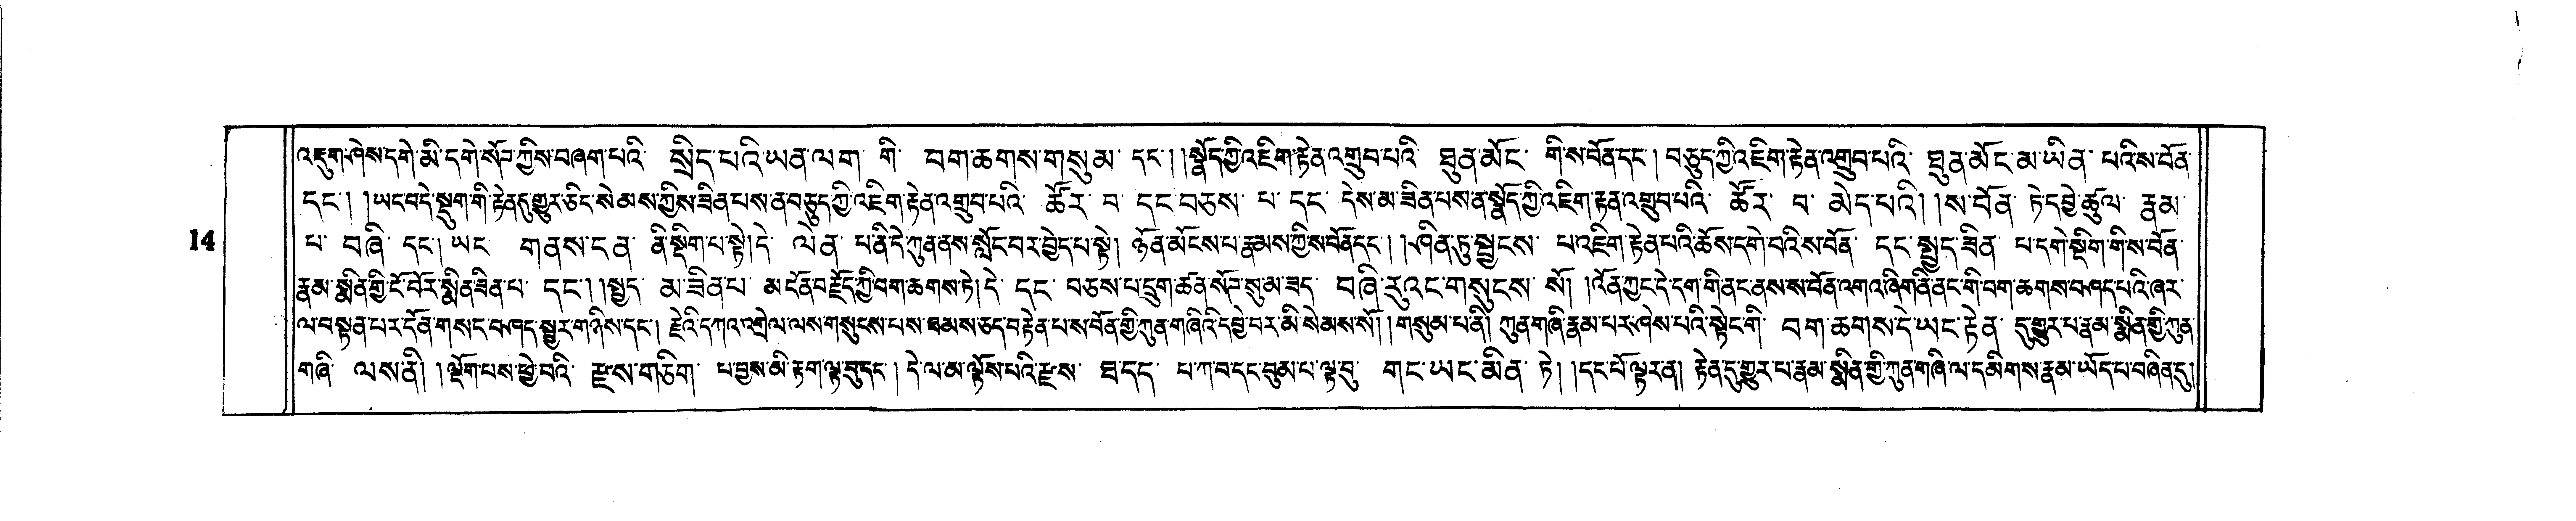འཇུག་ཤེས་དགེ་མི་དགེ་སོགས་ཀྱིས་བཞག་པའི་སྲིད་པའི་ཡན་ལག་གི་བག་ཆགས་གསུམ་དང་། །སྣོད་ཀྱི་འཇིག་རྟེན་འགྲུབ་པའི་ཐུན་མོང་གི་ས་བོན་དང་། བཅུད་ཀྱི་འཇིག་རྟེན་འགྲུབ་པའི་ཐུན་མོང་མ་ཡིན་པའི་ས་བོན་
དང་། །ཡང་བདེ་སྡུག་གི་རྟེན་དུ་གྱུར་ཅིང་སེམས་ཀྱིས་ཟིན་པས་ན་བཅུད་ཀྱི་འཇིག་རྟེན་འགྲུབ་པའི་ཚོར་བ་དང་བཅས་པ་དང་དེས་མ་ཟིན་པས་ན་སྣོད་ཀྱི་འཇིག་རྟེན་འགྲུབ་པའི་ཚོར་བ་མེད་པའི། །ས་བོན་ཏེ་དབྱེ་ཚུལ་རྣམ་
པ་བཞི་དང་། ཡང་གནས་ངན་ནི་སྡིག་པ་སྟེ། དེ་ལེན་པ་ནི་དེ་ཀུན་ནས་སློང་བར་བྱེད་པ་སྟེ། ཉོན་མོངས་པ་རྣམས་ཀྱི་ས་བོན་དང་། །ཤིན་ཏུ་སྦྱངས་པ་འཇིག་རྟེན་པའི་ཆོས་དགེ་བའི་ས་བོན་དང་སྤྱད་ཟིན་པ་དགེ་སྡིག་གི་ས་བོན་
རྣམ་སྨིན་གྱི་ངོ་བོར་སྨིན་ཟིན་པ་དང་། །སྤྱད་མ་ཟིན་པ་མངོན་བརྗོད་ཀྱི་བག་ཆགས་ཏེ། དེ་དང་བཅས་པ་དྲུག་ཚན་སོགས་སུ་མ་ཟད་བཞི་རུའང་གསུངས་སོ། །འོན་ཀྱང་དེ་དག་གི་ནང་ནས་ས་བོན་འགའ་ཞིག་ནི་ནང་གི་བག་ཆགས་བཤད་པའི་ཞར་
ལ་བསྟན་པར་དོན་གསང་བཤད་སྦྱར་གཉིས་དང་། རྗེའི་དཀའ་འགྲེལ་ལས་གསུངས་པས་ཐམས་ཅད་བརྟེན་པ་ས་བོན་གྱི་ཀུན་གཞིའི་དབྱེ་བར་མི་སེམས་སོ། །གསུམ་པ་ནི། ཀུན་གཞི་རྣམ་པར་ཤེས་པའི་སྟེང་གི་བག་ཆགས་དེ་ཡང་རྟེན་དུ་གྱུར་པ་རྣམ་སྨིན་གྱི་ཀུན་
གཞི་ལས་ནི། །ལྡོག་པས་ཕྱེ་བའི་རྫས་གཅིག་པ་བྱས་མི་རྟག་ལྟ་བུ་དང་། དེ་ལ་མ་ལྟོས་པའི་རྫས་ཐ་དད་པ་ཀ་བ་དང་བུམ་པ་ལྟ་བུ་གང་ཡང་མིན་ཏེ། །དང་པོ་ལྟར་ན། རྟེན་དུ་གྱུར་པ་རྣམ་སྨིན་གྱི་ཀུན་གཞི་ལ་དམིགས་རྣམ་ཡོད་པ་བཞིན་དུ།